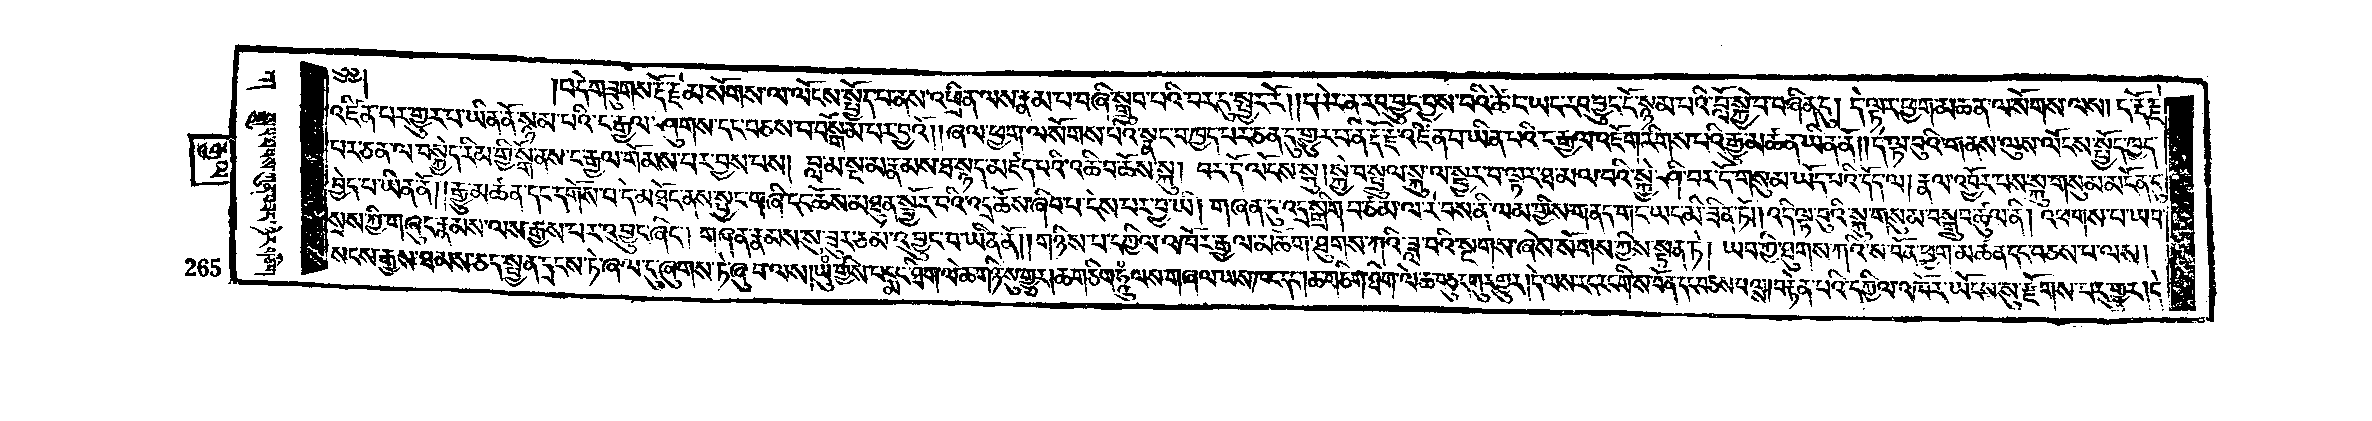༄༅། །བདེ་གཟུགས་རྡོ་རྗེ་མ་སོགས་ལ་ལོངས་སྤྱོད་པ་ནས་འཕྲིན་ལས་རྣམ་པ་བཞི་སྒྲུབ་པའི་བར་དུ་སྦྱར་རོ། །དཔེར་ན་རབ་བྱུང་བྱས་པའི་ཚེ་ང་ཡང་རབ་བྱུང་ངོ་སྙམ་པའི་བློ་སྐྱེ་བ་བཞིན་དུ། དེ་ལྟར་ཕྱག་མཚན་ལ་སོགས་ལས། ང་རྡོ་རྗེ་
འཛིན་པར་གྱུར་པ་ཡིན་ནོ་སྙམ་པའི་ང་རྒྱལ་ཤུགས་དང་བཅས་པ་བསྒོམ་པར་བྱའོ། །ཞལ་ཕྱག་ལ་སོགས་པའི་སྣང་བ་ཁྱད་པར་ཅན་དུ་གྱུར་པ་ནི་རྡོ་རྗེ་འཛིན་པ་ཡིན་པའི་ང་རྒྱལ་འཇོག་རིགས་པའི་རྒྱུ་མཚན་ཡིན་ནོ། །དེ་ལྟ་བུའི་གནས་ལུས་ལོངས་སྤྱོད་ཁྱད་
པར་ཅན་ལ་བསྐྱེད་རིམ་གྱི་སྒོ་ནས་ང་རྒྱལ་གོམས་པར་བྱས་པས། བླ་མ་སྔ་མ་རྣམས་ཐ་སྙད་མཛད་པའི་འཆི་བ་ཆོས་སྐུ། བར་དོ་ལོངས་སྐུ། སྐྱེ་བ་སྤྲུལ་སྐུ་ལ་སྦྱར་བ་ལྟར་ཐ་མལ་པའི་སྐྱེ་ཤི་བར་དོ་གསུམ་ཡོད་པའི་དོད་ལ། རྣལ་འབྱོར་པས་སྐུ་གསུམ་མངོན་དུ་
བྱེད་པ་ཡིན་ནོ། །རྒྱུ་མཚན་དང་དགོས་པ་དེ་མཐོང་ནས་སྦྱང་གཞི་དང་ཆོས་མཐུན་སྦྱོར་བའི་འདྲ་ཆོས་ཞིབ་པ་ངེས་པར་བྱ་ཡི། གཞན་དུ་འདྲ་སྒྲིག་པ་ཙམ་ལ་རེ་བས་ནི་ལམ་གྱིས་གནད་གང་ཡང་མི་ཟིན་ཏོ། །འདི་ལྟ་བུའི་སྐུ་གསུམ་བསྒྲུབ་ཚུལ་ནི། འཕགས་པ་ཡབ་
སྲས་ཀྱི་གཞུང་རྣམས་ལས་རྒྱས་པར་འབྱུང་ཞིང་། གཞན་རྣམས་སུ་ཟུར་ཙམ་འབྱུང་བ་ཡིན་ནོ། །གཉིས་པ་དཀྱིལ་འཁོར་རྒྱལ་མཆོག་ཐུགས་ཀའི་ཟླ་བའི་སྔགས་ཞེས་སོགས་ཀྱིས་སྟན་ཏེ། ཡབ་ཀྱི་ཐུགས་ཀའི་ས་བོན་ཕྱག་མཚན་དང་བཅས་པ་ལས། སངས་རྒྱས་ཐམས་ཅད་སྤྱན་དྲངས་ཏེ་ཞལ་དུ་ཞུགས་ཏེ་ཞུ་བ་ལས། ཡུམ་གྱིས་པདམང་ཐིག་ལེ་ཆ་གཉིས་སུ་གྱུར། ཆ་གཅིག་ཧཱུཾ་ལས་གཞལ་ཡས་ཁང་དང་། ཆ་གཅིག་ཐིག་ལེ་ཆ་བཅུ་དགུར་གྱུར། དེ་ལས་རང་རང་གི་ས་བོན་དང་བཅས་པ་ལས། བརྟེན་པའི་དཀྱིལ་འཁོར་ཡོངས་སུ་རྫོགས་པར་གྱུར། དེ་